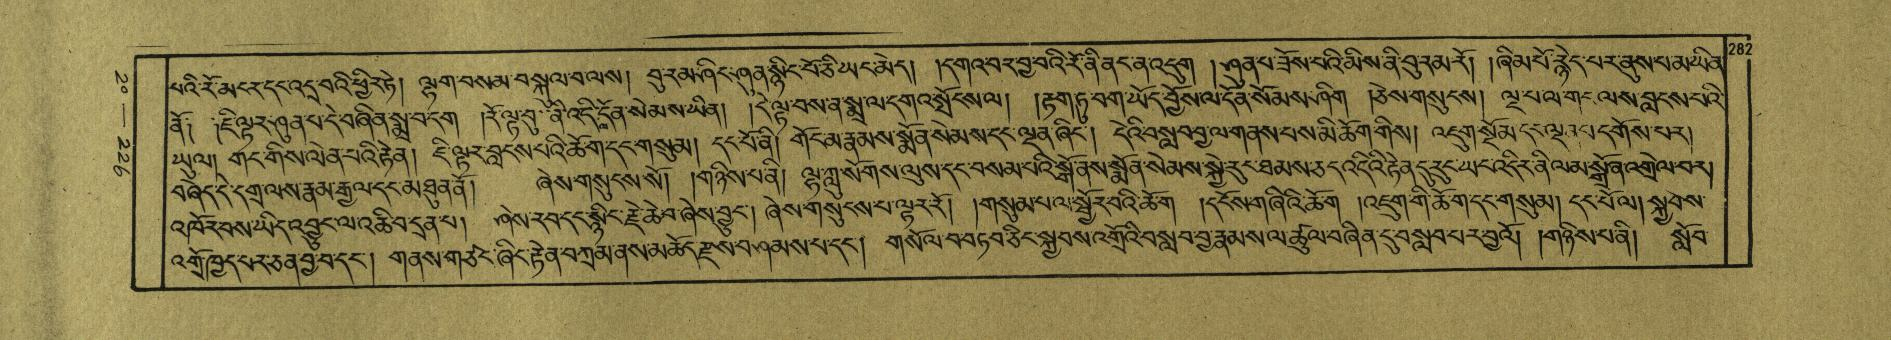པའི་རོ་མངར་དང་འདྲ་བའི་ཕྱིར་ཏེ། ལྷག་བསམ་བསྐུལ་བ་ལས། བུ་རམ་ཤིང་ཤུན་སྙིང་པོ་ཅི་ཡང་མེད། །དགའ་བར་བྱ་བའི་རོ་ནི་ནང་ན་འདུག །ཤུན་པ་ཟོས་པའི་མིས་ནི་བུ་རམ་རོ། །ཞིམ་པོ་རྙེད་པར་ནུས་པ་མ་ཡིན་
ནོ༑ ༑ཇི་ལྟར་ཤུན་པ་དེ་བཞིན་སྨྲ་བ་དག །རོ་ལྟ་བུ་ནི་འདི་ལ་དོན་སེམས་ཡིན། །དེ་ལྟ་བས་ན་སྨྲ་ལ་དགའ་སྤོངས་ལ། །རྟག་ཏུ་བག་ཡོད་བྱོས་ལ་དོན་སོམས་ཤིག །ཅེས་གསུངས། ལྔ་པ་ལ་གང་ལས་བླངས་པའི་
ཡུལ། གང་གིས་ལེན་པའི་རྟེན། ཇི་ལྟར་བླངས་པའི་ཆོ་ག་དང་གསུམ། དང་པོ་ནི། གོང་མ་རྣམས་སྨོན་སེམས་དང་ལྡན་ཞིང་། དེའི་བསླབ་བྱ་ལ་གནས་པས་མི་ཆོག་གིས། འཇུག་སྡོམ་དང་ལྡན་པ་དགོས་པར།
བཞེད་དེ་དགྲ་ལས་རྣམ་རྒྱལ་དང་མཐུན་ནོ། ཞེས་གསུངས་སོ། །གཉིས་པ་ནི། ལྷ་ཀླུ་སོགས་ལུས་དང་བསམ་པའི་སྒོ་ནས་སྨོན་སེམས་སྐྱེ་རུང་ཐམས་ཅད་འདིའི་རྟེན་དུ་རུང་ཡང་འདིར་ནི་ལམ་སྒྲོན་འགྲེལ་བར།
འཁོར་བས་ཡིད་འབྱུང་ལ་འཆི་བ་དྲན་པ། ཤེས་རབ་དང་སྙིང་རྗེ་ཆེ་བ་ཞེས་བྱུང་། ཞེས་གསུངས་པ་ལྟར་རོ། །གསུམ་པ་ལ་སྦྱོར་བའི་ཆོ་ག །དངོས་གཞིའི་ཆོ་ག །འཇུག་གི་ཆོ་ག་དང་གསུམ། དང་པོ་ལ། སྐྱབས་
འགྲོ་ཁྱད་པར་ཅན་བྱ་བ་དང་། གནས་གཙང་ཞིང་རྟེན་བཀྲམ་ནས་མཆོད་རྫས་བཤམས་པ་དང་། གསོལ་བ་བཏབ་ཅིང་སྐྱབས་འགྲོའི་བསླབ་བྱ་རྣམས་ལ་ཚུལ་བཞིན་དུ་བསླབ་པར་བྱའོ། །གཉིས་པ་ནི། སློབ་